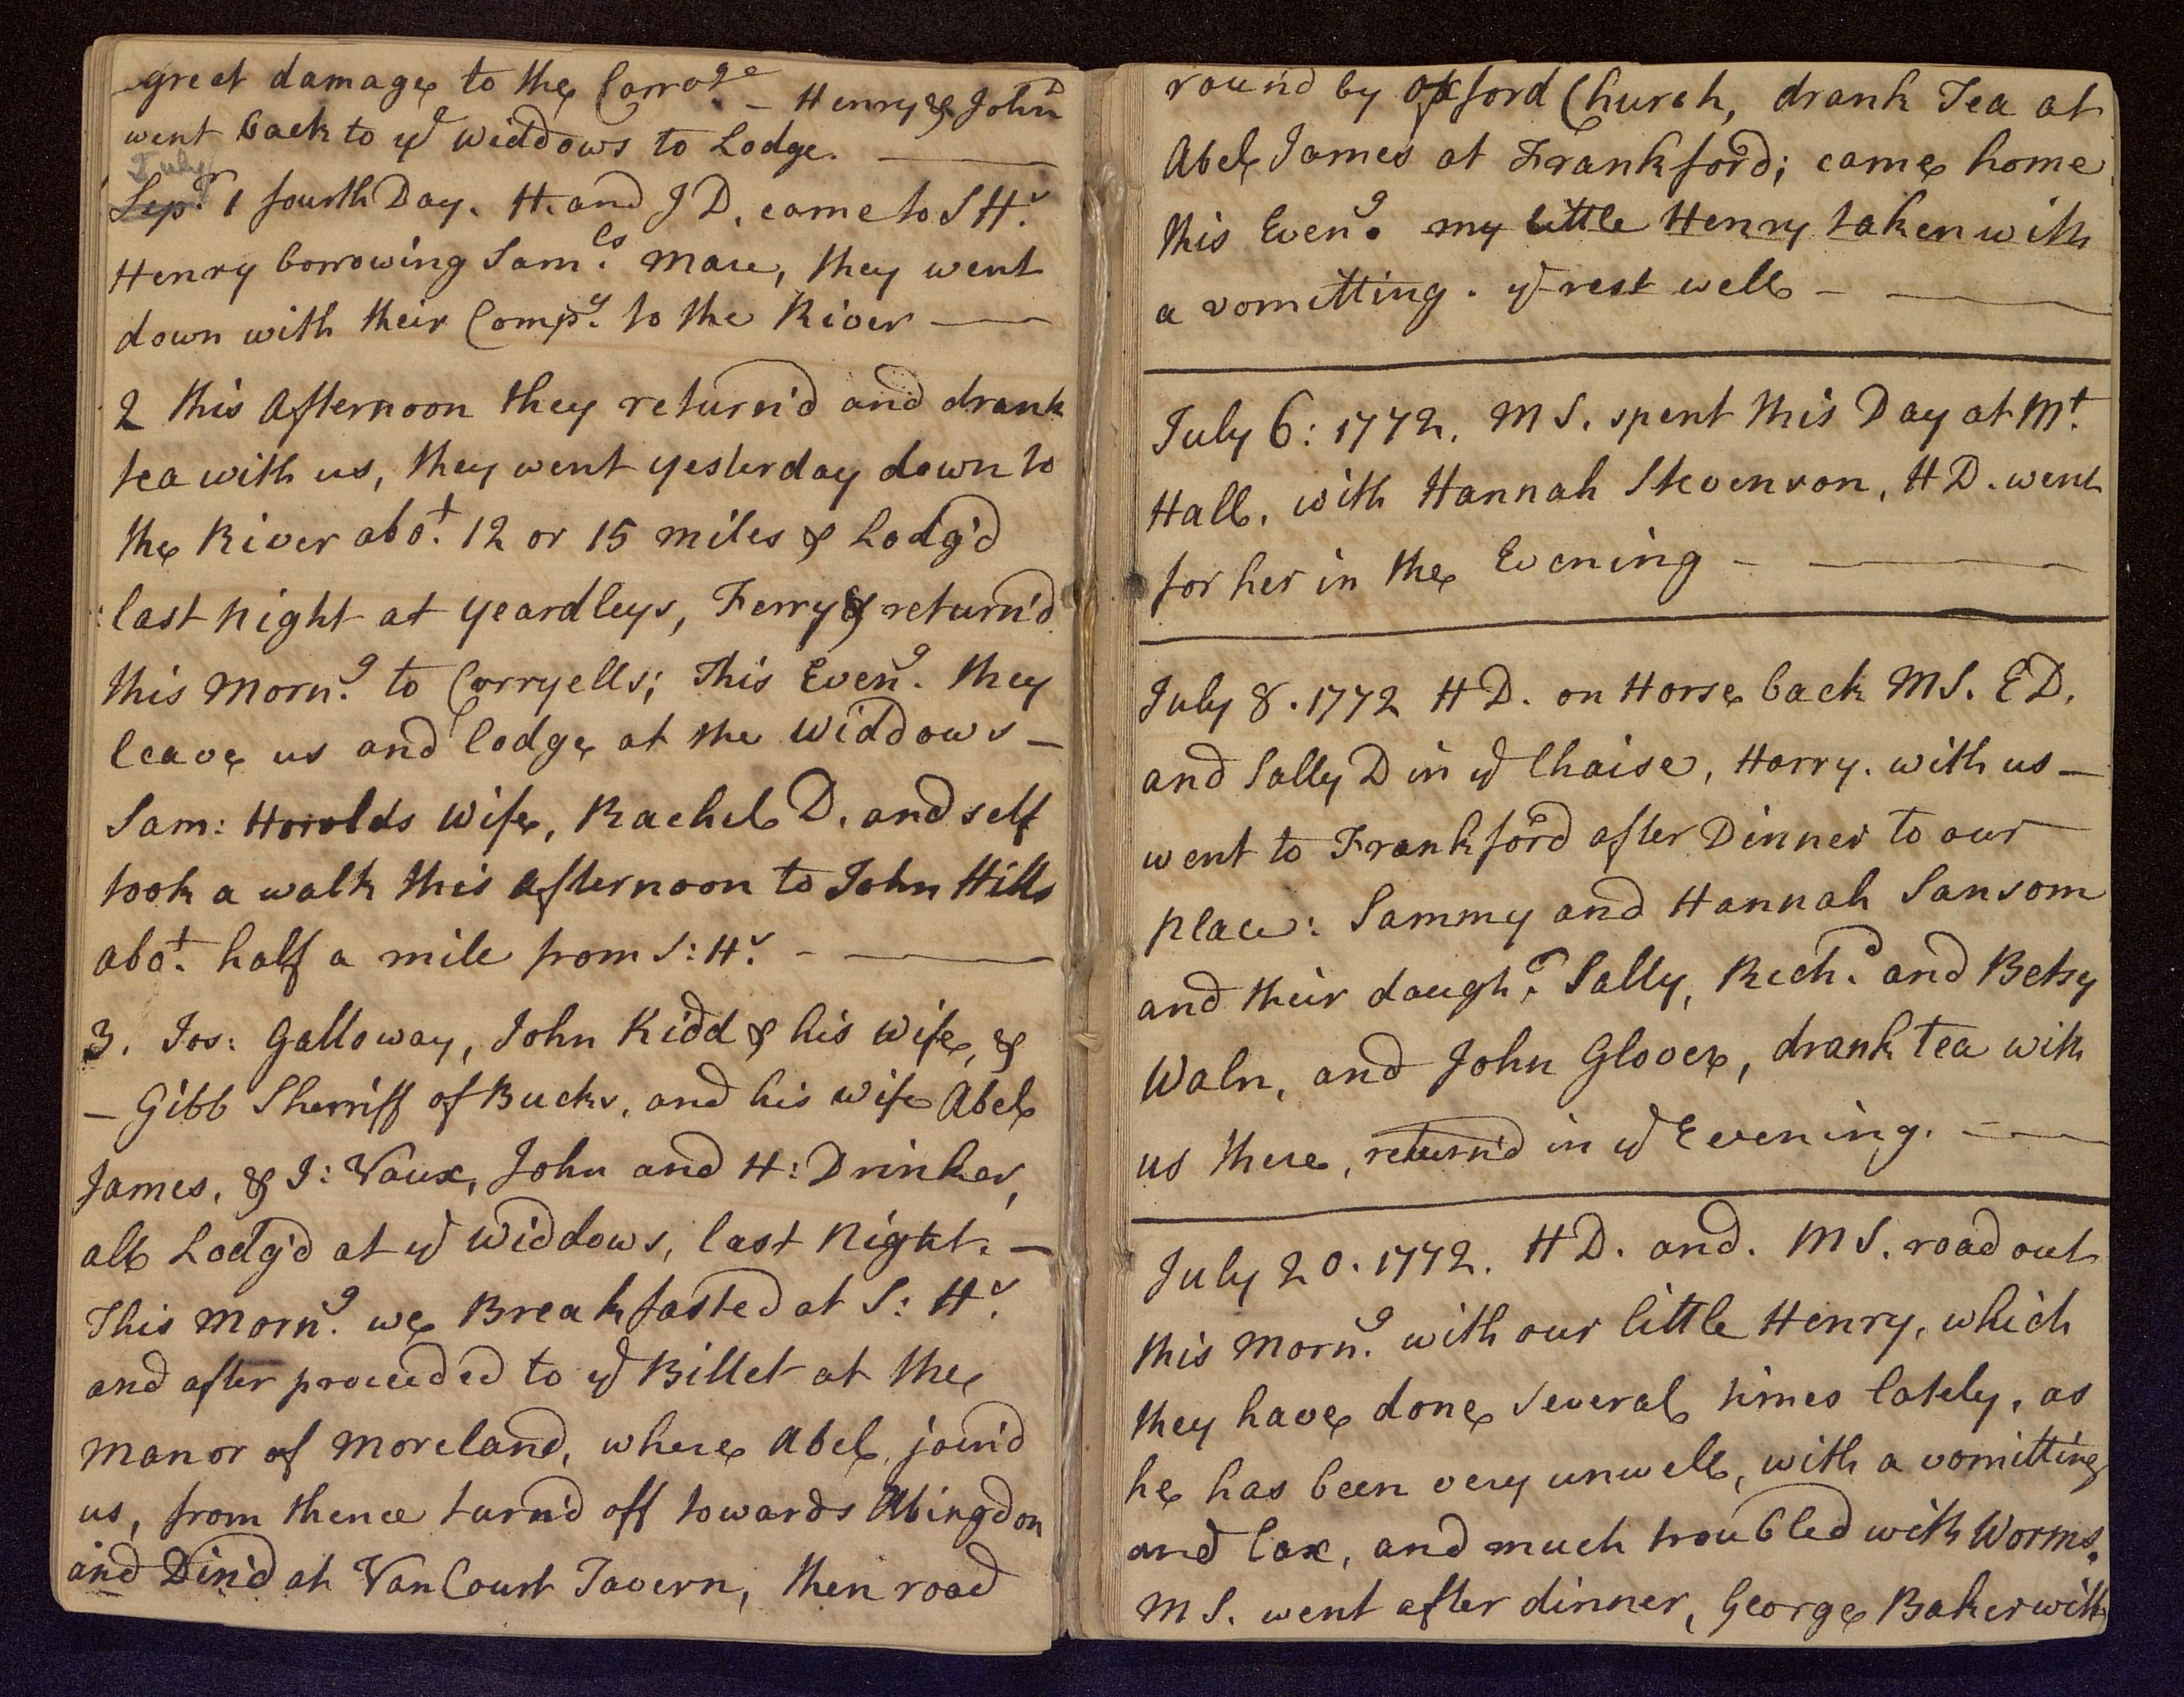great damage to the Carrage- Henry & John^D
went back to y^e Widdows to Lodge.-
July
Sep^m. 1 fourth Day. H. and JD, came to SH^s.
Henry borrowing Sam^l. Mare, they went
down with their Comp^y. to the River-
2 this Afternoon they return'd and drank
tea with us, they went yesterday down to
thy River abo^t. 12 or 15 miles & Lodg'd
last night at yeardleys, Ferry & return'd
this morn^g. to Corryells; This Even^g. they
leave us and lodge at the Widdows-
Sam: Horolds Wife, Rachel D, and self
took a walk this afternoon to John Hills
abo^t. half a mile from S: H^s.-
3. Jos: Galloway, John Kidd & his wife, &
-Gibb Sherriff of Bucks, and his wife Abel
James, & J:Vaux, John and H: Drinker,
all Lodg'd at y^e Widdows, last night.-
This morn^g. we Breakfasted at S: H^c.
and after proceeded to y^e Billet at the
Manor of Moreland, where Abel join'd
us, from thence turn'd off towards Abingdon
and Din'd at Van Court Tavern, then road
round by Oxford Church, drank Tea at
Abel James at Frankford; came home
this Even'g. my little Henry taken with
a vomitting. y^e rest well-
July 6: 1772. MS. spent this Day at M^t.
Hall, with Hannah Stevenson, H D. went
for her in the Evening-
July 8. 1772 HD. on Horse back MS. ED.
and Sally D in y^e Chaise, Harry with us-
went to Frankford after Dinner to our
place: Sammy and Hannah Sansom
and their daugh^r, Sally, Rich^d. and Betsy
Waln, and John Glover, drank tea with
us there, return'd in y^e Evening.-
July 20. 1772. HD. and. MS. road out
this morn^g. with our little Henry, which
they have done several times lately, as
he has been very unwell, with a vomitting
and lax, and much troubled with Worms
MS. went after dinner, George Baker with